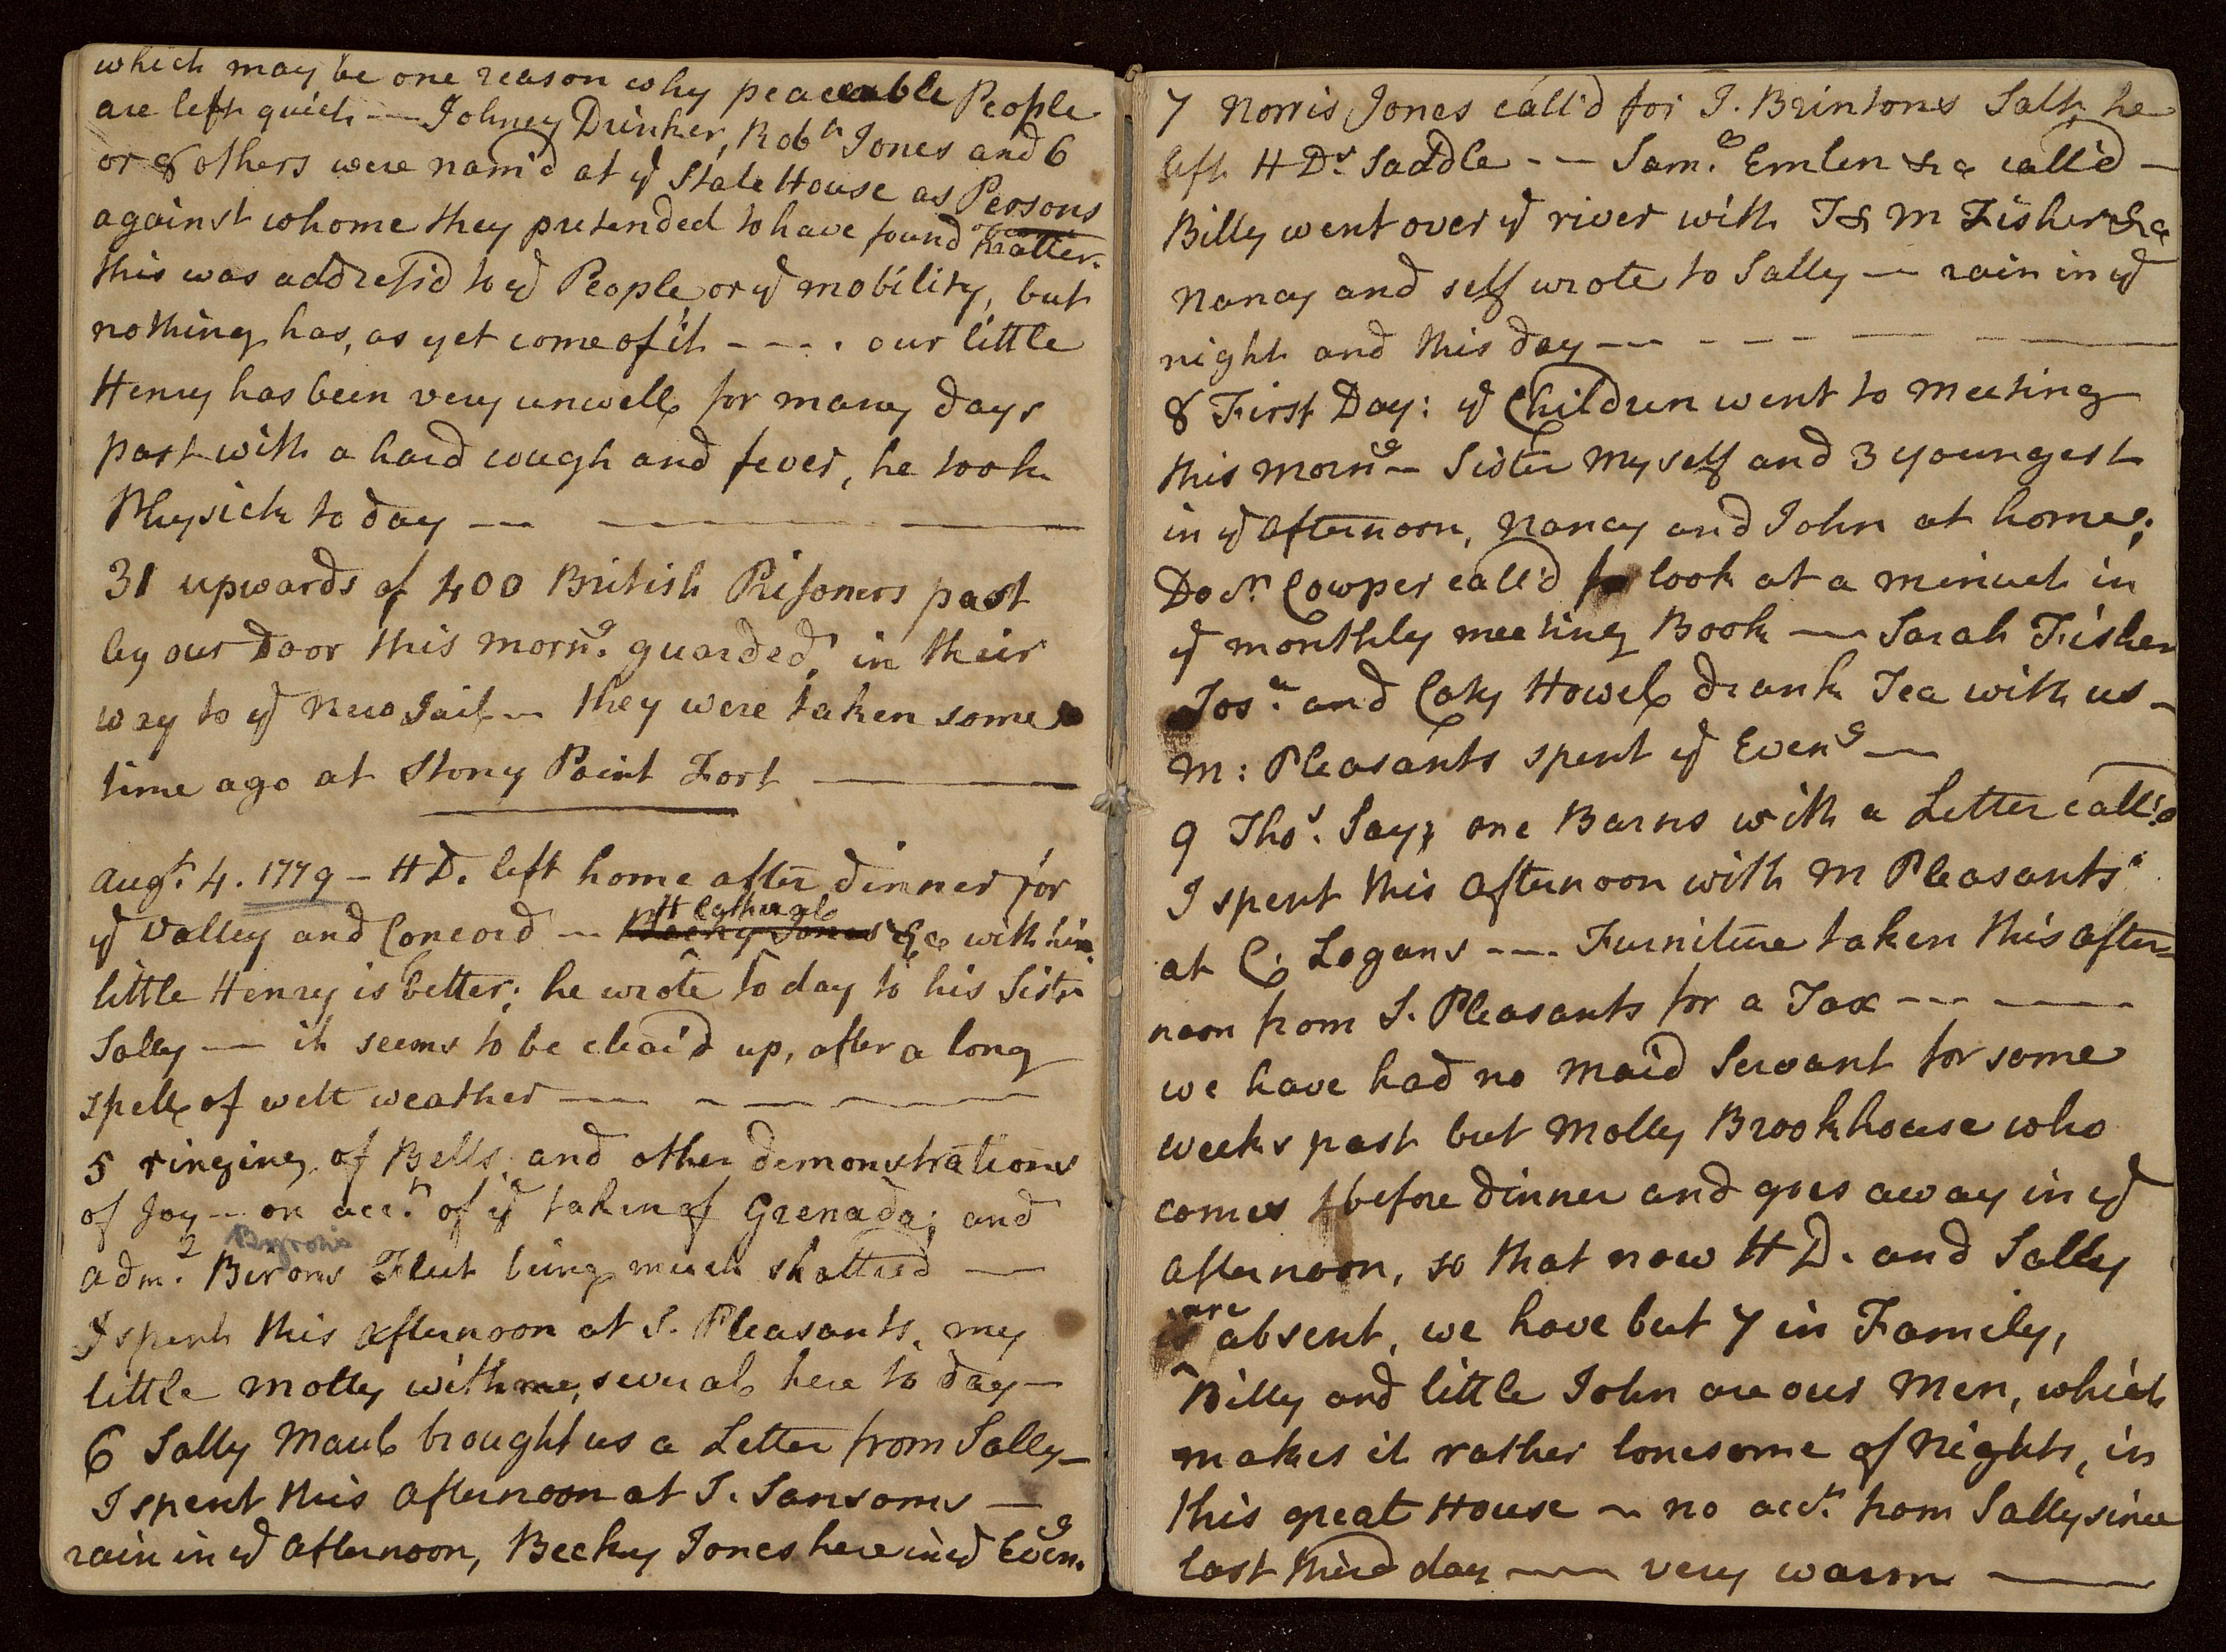which may be one reason why peaceable People
are left quiet-- Johney Drinker, Rob^t Jones and 6
or 8 others were nam'd at y^e State House as Persons
of[____]
against whome they pretended to have found matter.
this was address'd to y^e People or y^e mobility, but
nothing has, as yet come of it--- our little
Henry has been very unwell for many days
part with a hard cough and fever, he took
Physick to day--
31 upwards of 400 British Prisoners past
by our Door this morn^g. guarded, in their
way to y^e new Jail- they were taken some
time ago at Stony Point Fort-
Aug^t. 4. 1779- HD. left home after dinner for
y^e Valley and Concord- [Becky Jones] ^ &c with him
H Catheral
little Henry is better; he wrote to day to his Sister
Sally- it seems to be clear'd up, after a long
spell of wett weather-----
5 ringing of Bells; and other demonstrations
of Joy- on acc^t. of y^e taken of Grenada; and
Begrons
Adm^l. Birons Fleet being much shattred-
I spent this afternoon at S. Pleasants, my
little Molly with me, several here to day-
6 Sally Maul brought us a Letter from Sally-
I spent tis afternoon at S. Sansoms-
rain in y^e Afternoon, Becky Jones here in y^e Even^g.
7 Norris Jones call'd for J. Brintons Salt, he
left HD^s. Saddle-- Sam^l. Emlen &e call'd-
Billy went over y^e river with TS M Fisher &c
Nancy and self wrote to Sally- rain in y^e
night and this day--
8 First Day: y^e Children went to meeting
this morn^g- Sister my self and 3 youngest
in y^e Afternoon, Nancy and John at home;
Doc^r. Cowper call'd to look at a minuet in
y^e monthly meeting Book- Sarah Fisher
Jos^a. and Caty Howel drank Tea with us-
M: Pleasants spent y^e Even^g-
9 Tho^s. Says one Barns with a Letter call'd
I spent this afternoon with M Pleasants
at C. Logans-- Furniture taken this after-
noon from S. Pleasants for a T ax-- -
we have had no maid servant for some
weeks past but Molly Brookhsuse who
comes before dinner and goes away in y^e
afternoon, so that now HD. and Sally
^are absent, we have but 4 in Family,
Billy and little John are our Men, which
makes it rather lonesome of nights, in
this great House- no acc^t. from Sally since
last third day- very warm-